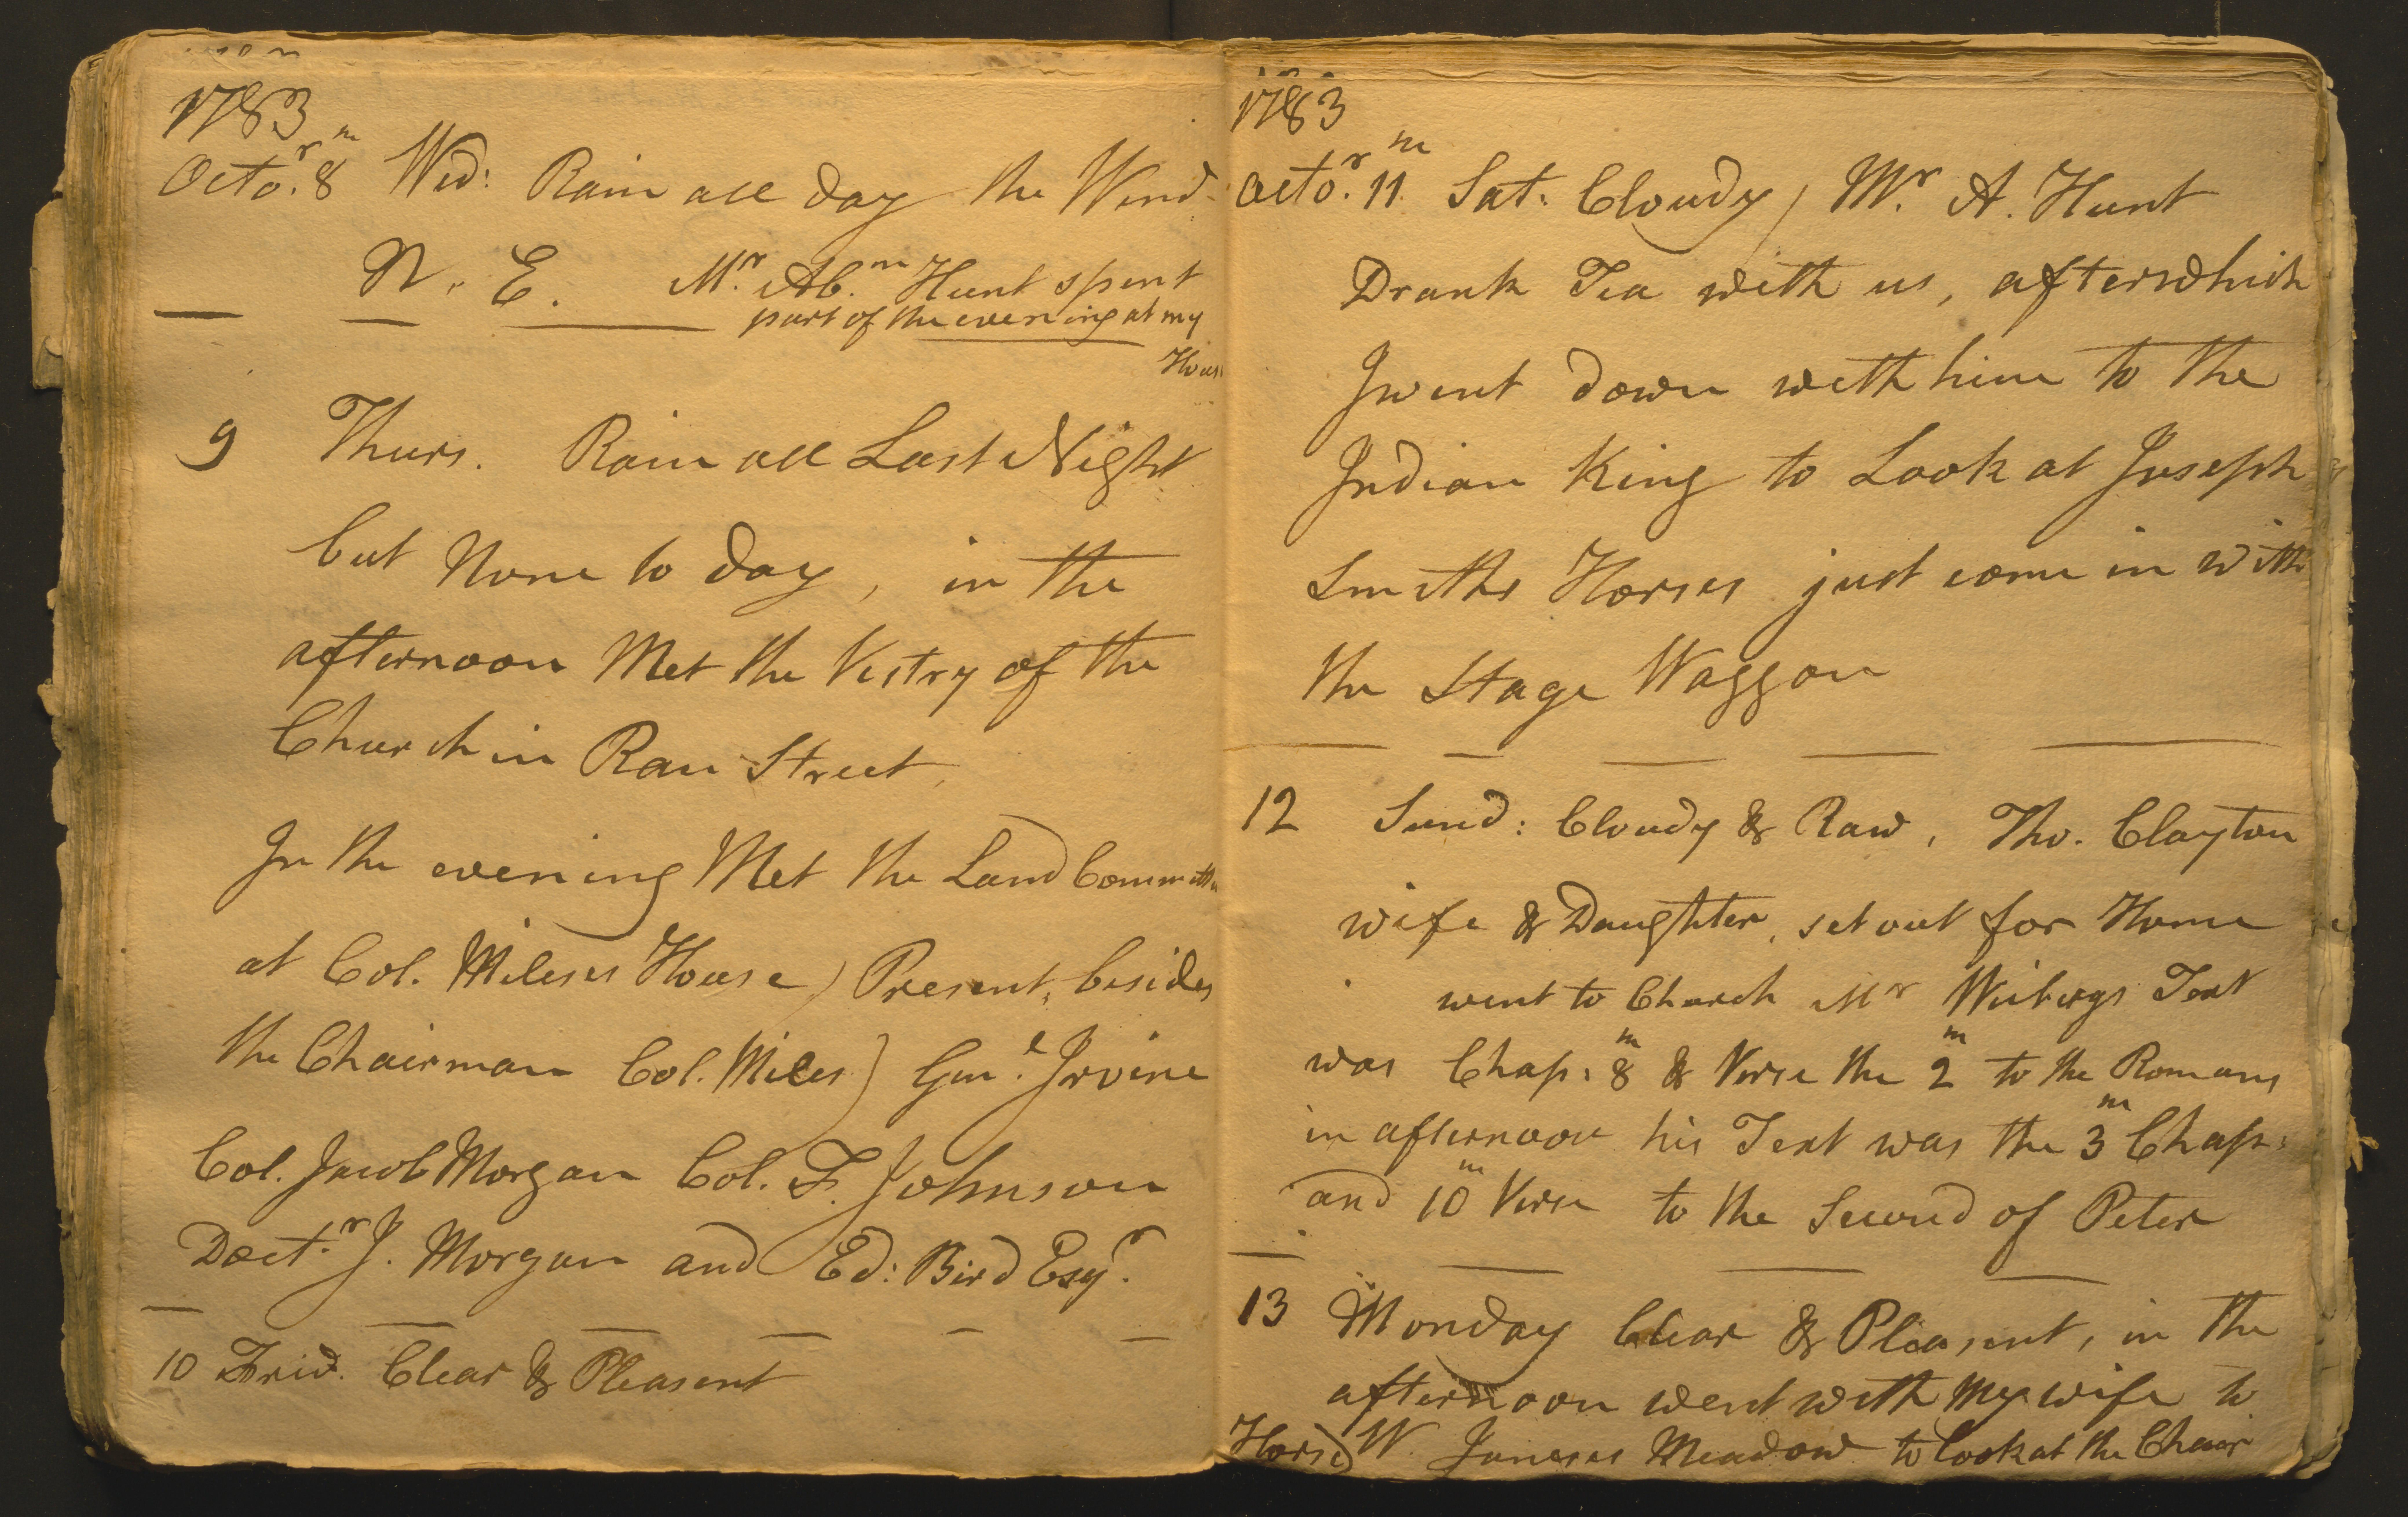1783
Octo^r. 8 Wed: Rain all day the Wind
N.E. M^r. Ab^m. Hunt spent
part of the evening at my
House
9 Thurs. Rain all Last Night
but None to day, in the
afternoon Met the Vestry of the
Church in Race Street
In the evening Met the Land Committee
at Col. Mileses House, Present, beside
the Chairman Col. Miles) Gen^l. Irvine
Col. Jacol Morgan Col. F Johnson
Doct^r. J. Morgan and Ed. Bird Esq^r.
10 Frid. Clear & Pleasent
Octo^r. 11^th Sat. Cloudy, M^r. A. Hunt
1783
Drank Tea with us, after which
I went down with him to the
Indian King to Look at Joseph
Smiths Horses just came in with
the Stage Waggon
12 Sund. Cloudy & Raw. Tho. Clayton
wife & Daughter, set out for Home
went to Church M^r. Weibergs Text
was Chap. 8^th & Verse the 2^th to the Romans
in afternoon his Text was the 3^th Chap
and 10^th Verse to the second of Peter
13 Monday Clear & Pleasent, in the
afternoon went with My wife to
W. Joneses Meadow to look at the Chair
Horse